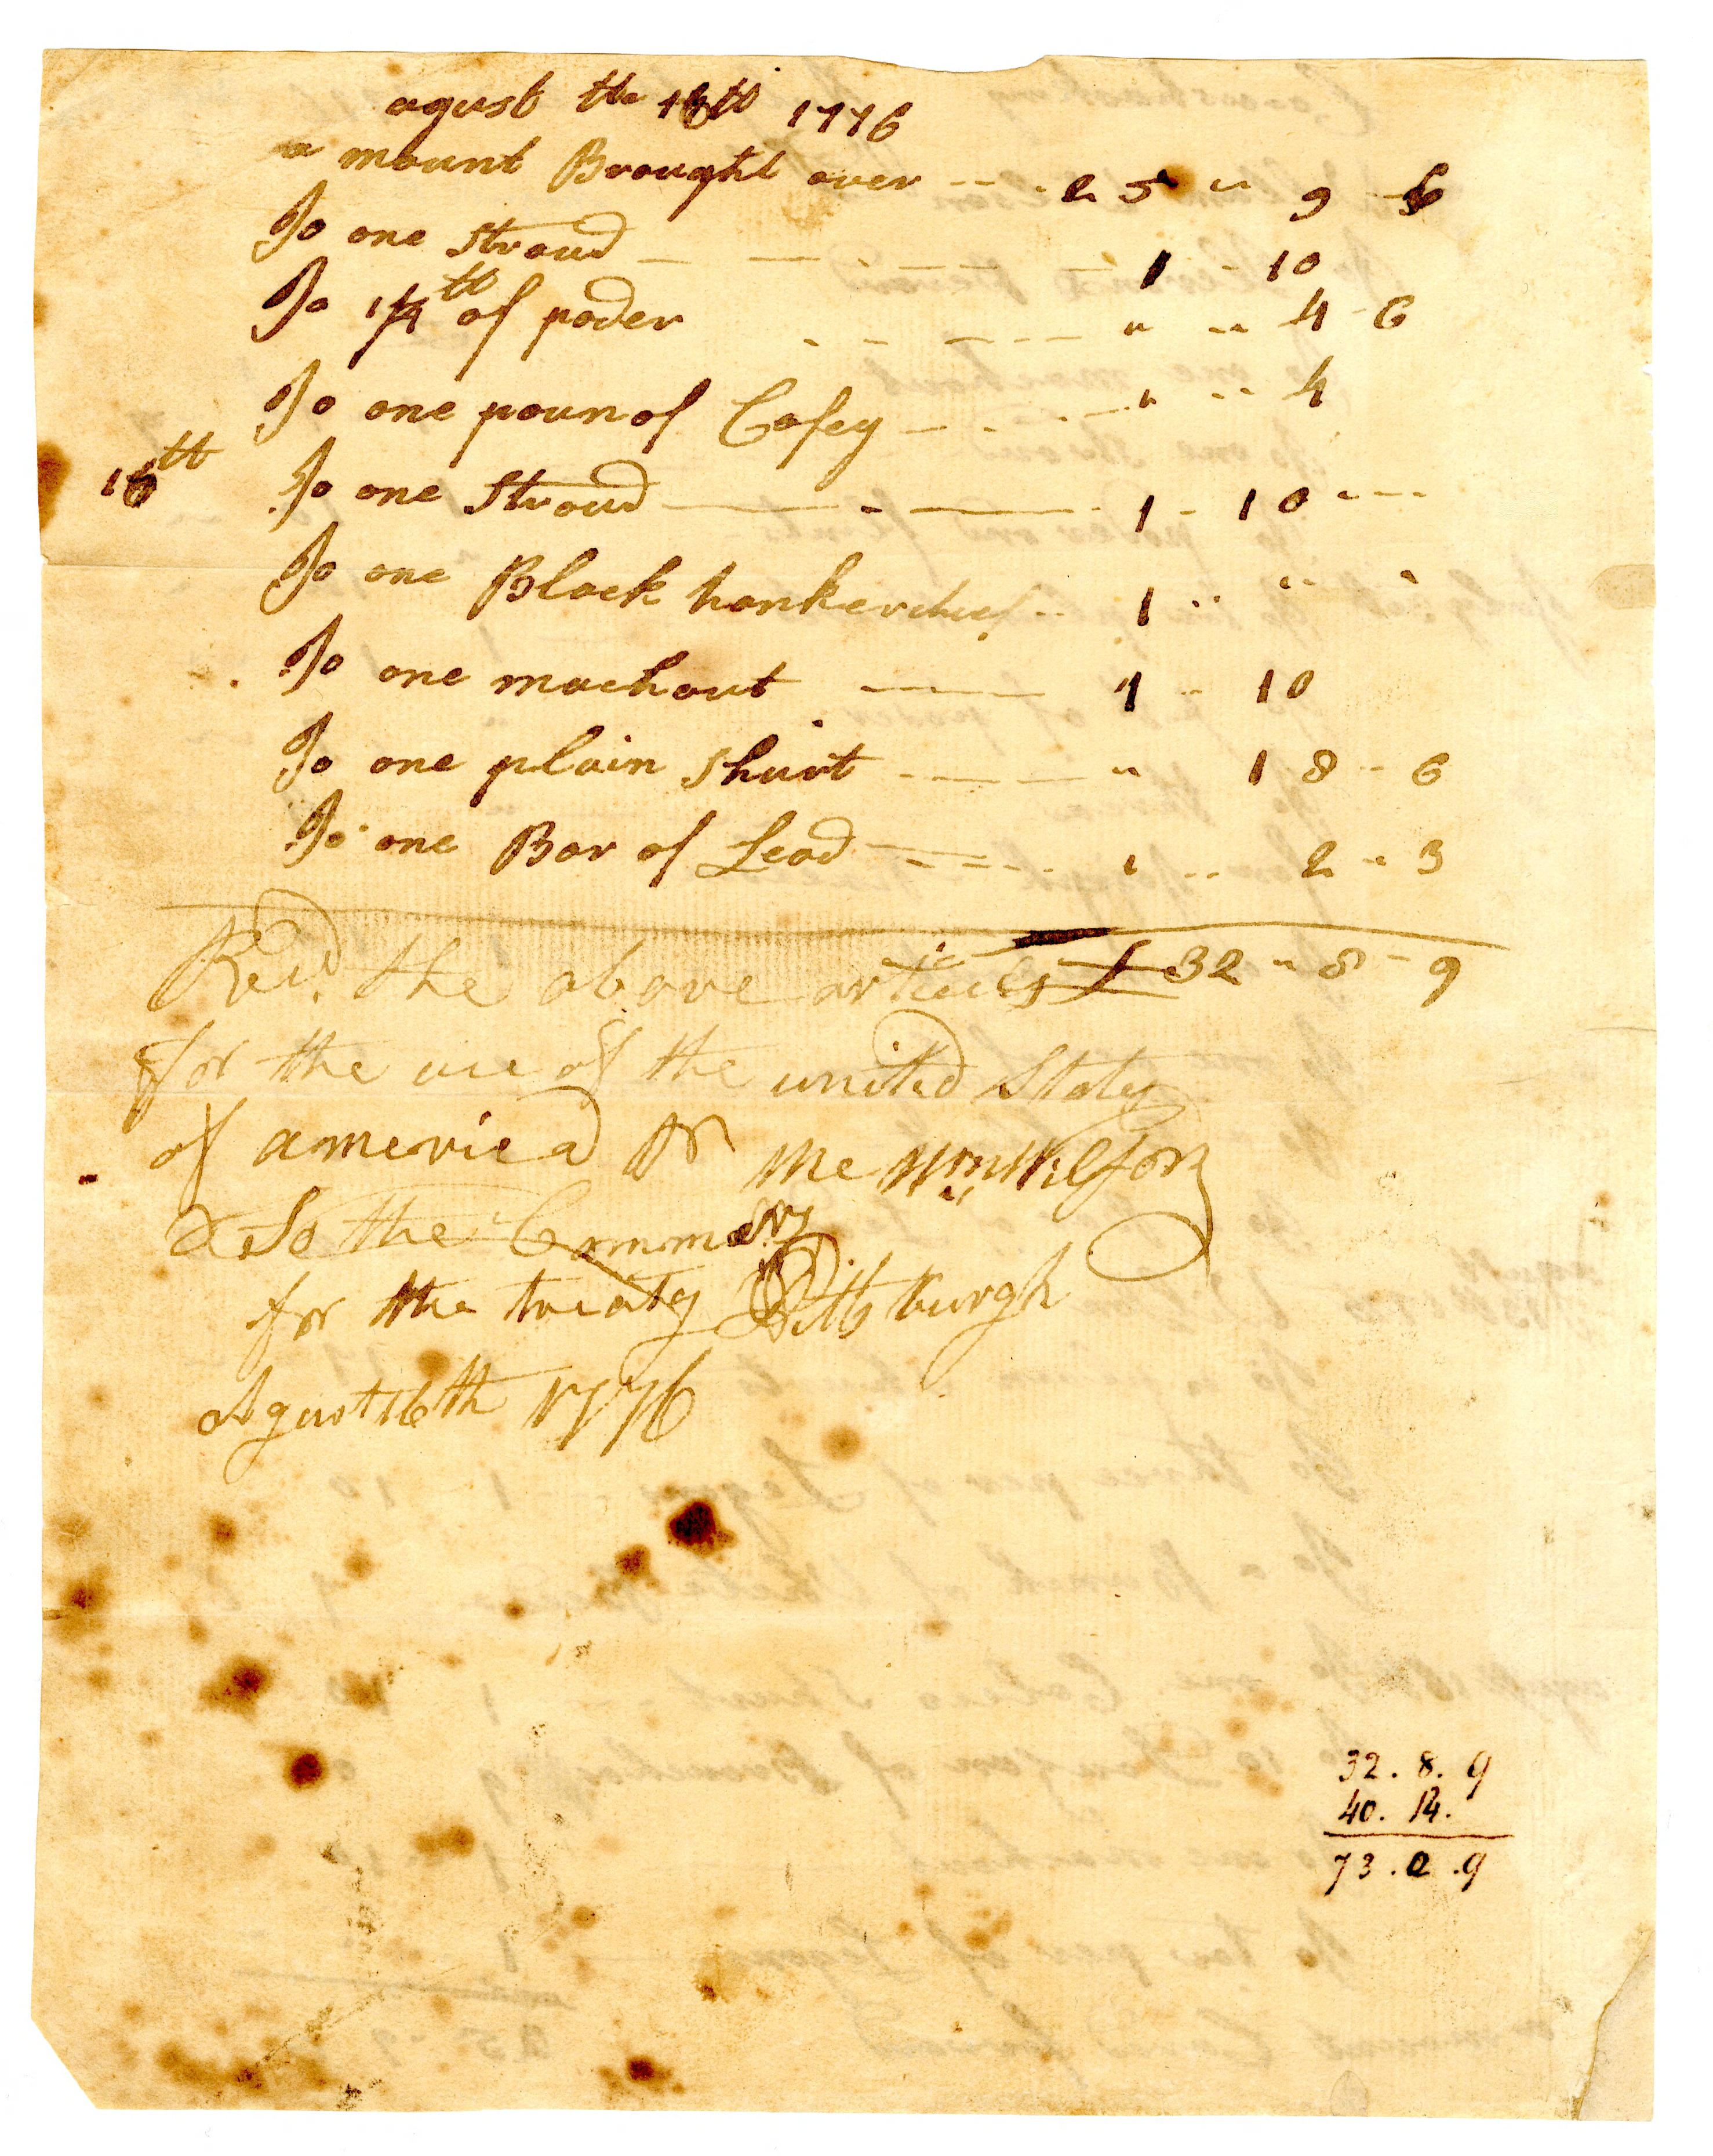agust the 19th 1776
a mount Brought over
To one stroud
To 1/4 ^lb of poder
To one poun of Cofey
16^th
To one Stroud
To one Black hankerchief
To one machout
To one plain shurt
To one Bar of Lead
25 - 9 - 6
1 - 10
- - 4 - 6
- 4
1 - 10
1
1 - 10
- 18 - 6
- - 2 - 3
32 - 8 - 9
Rec^d the above articles
for the use of the united States
of america & M^r W^m Wilson
So the Comm^rs
for the treaty
Pittsburgh
Agust 16th 1776
32.8.9
40. 14.
73.0.9